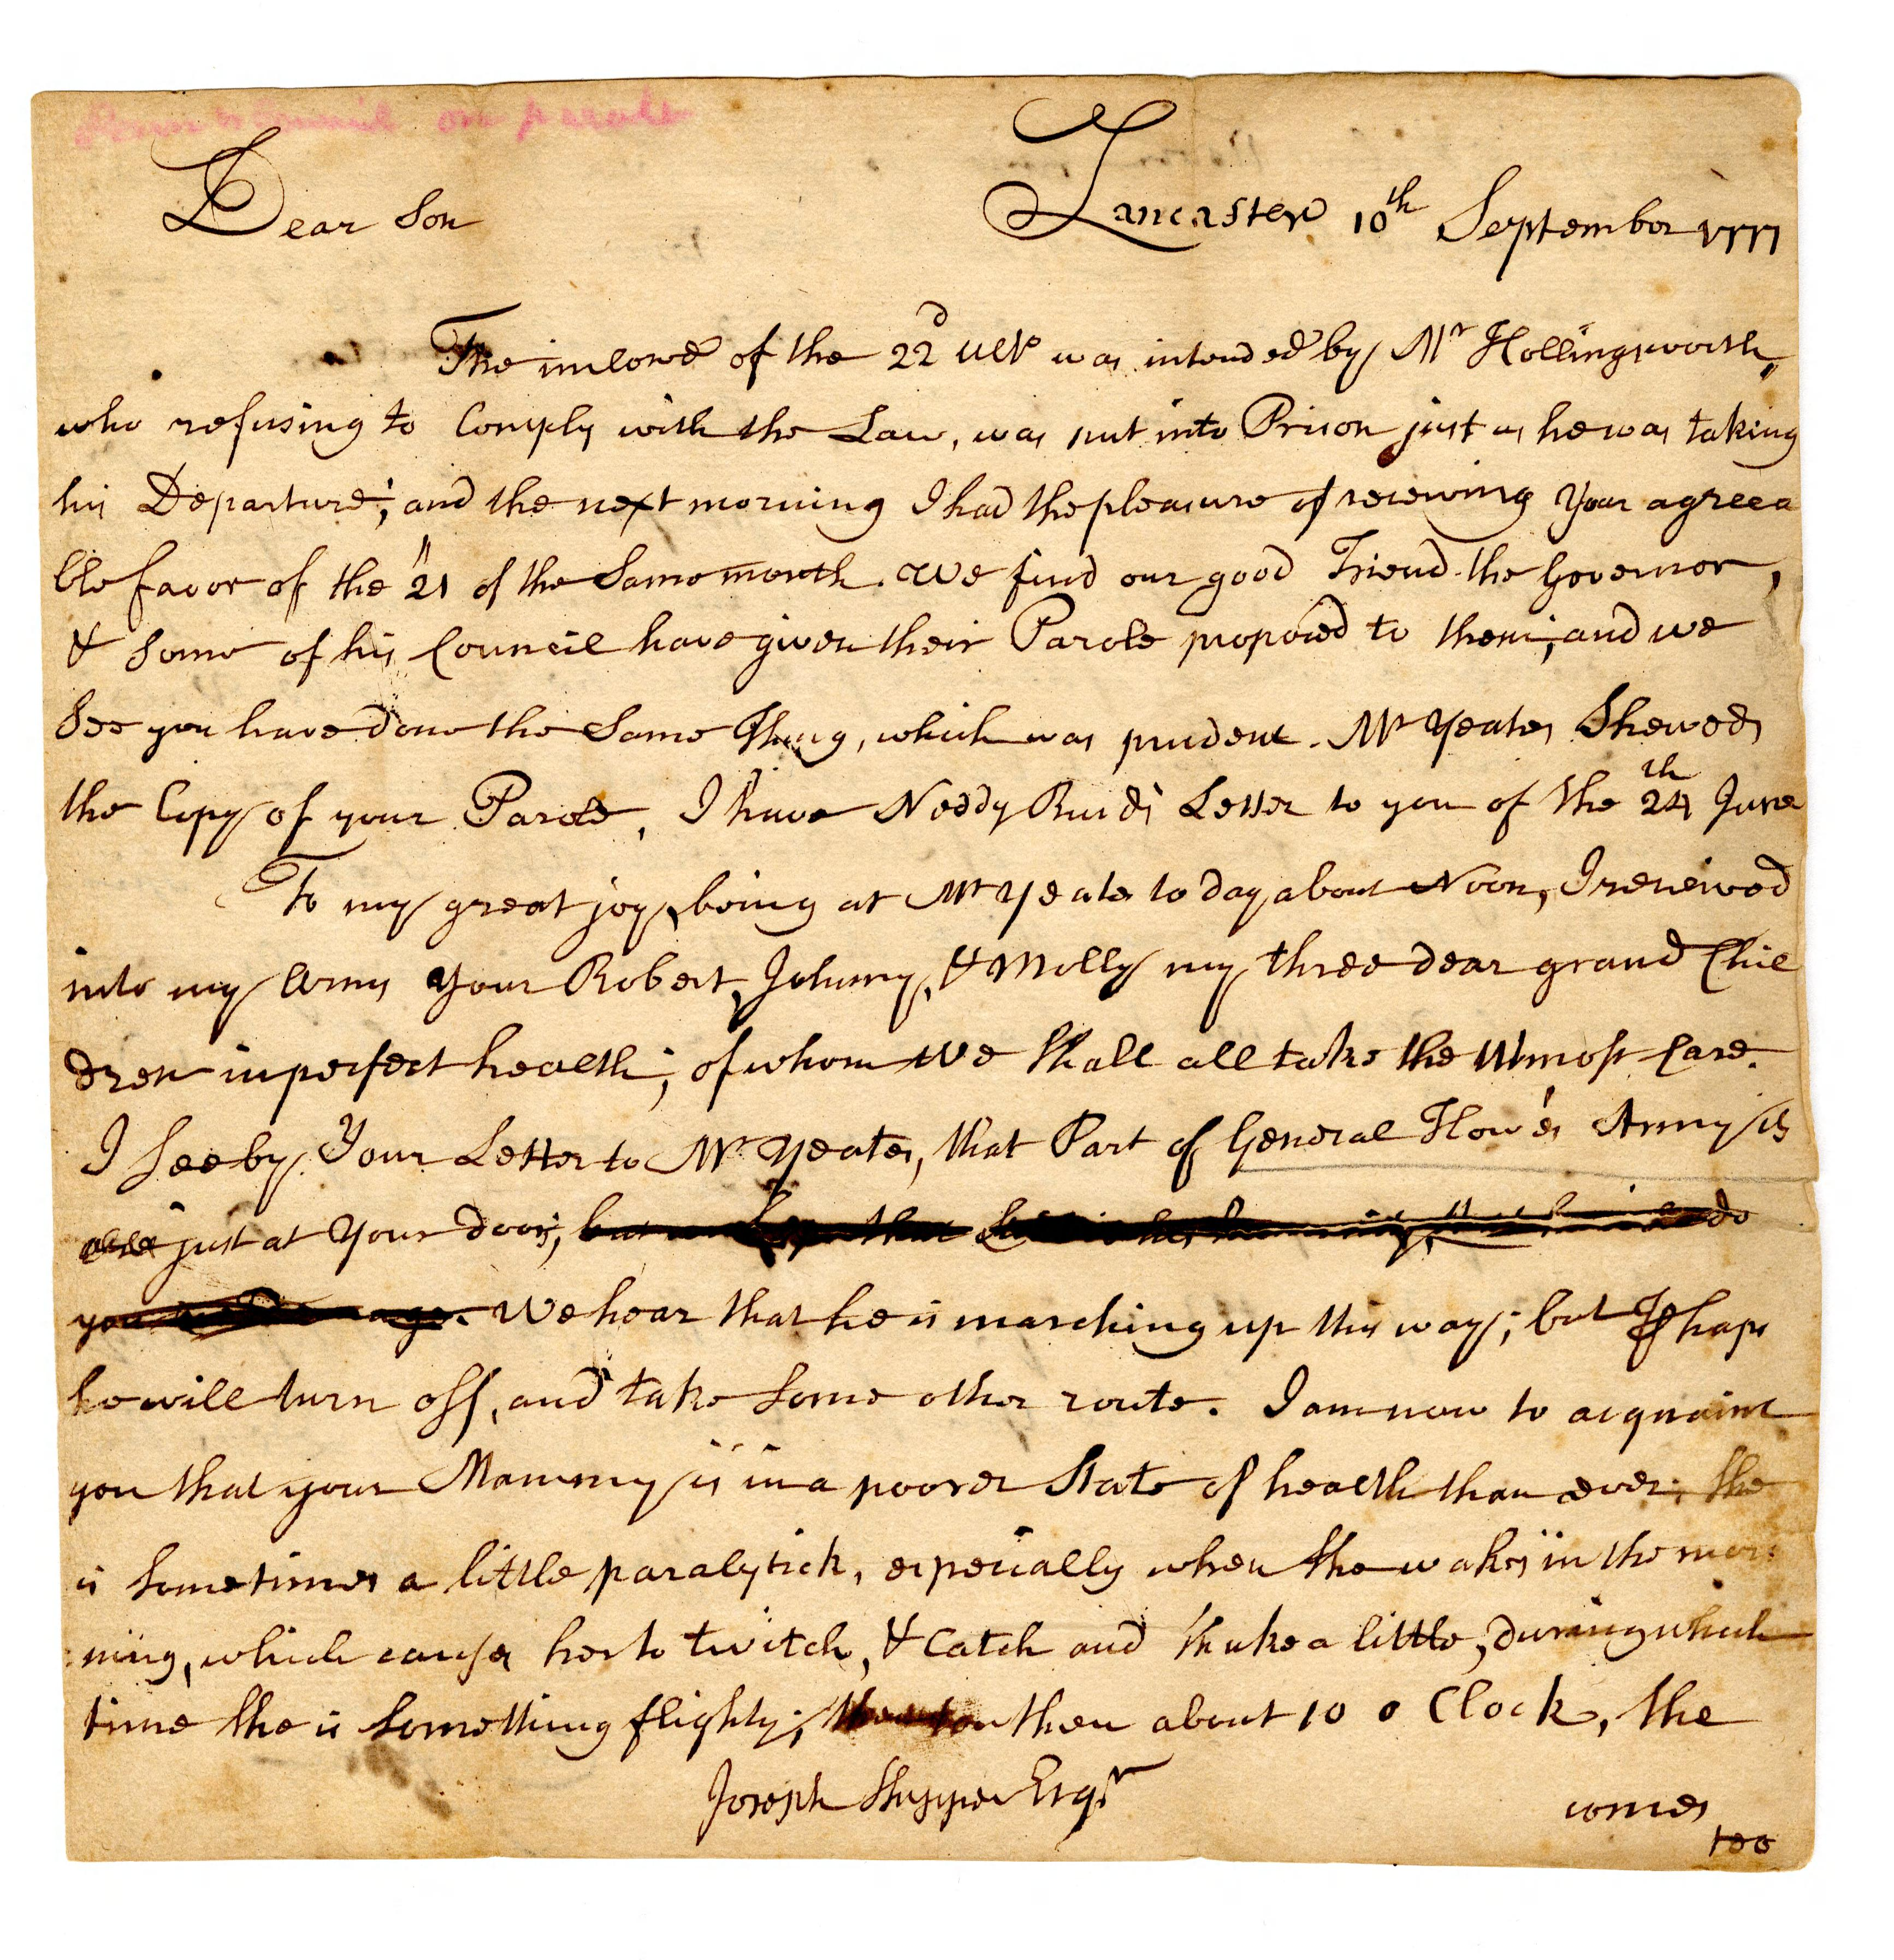Lancaster 10^th September 1777
Dear Son
The inclosed of the 22^d Ult^o was intended by M^r Hollingsworth,
who refusing to comply with the Law, was sent into Prison just as he was taking
his Departure; and the next morning I had the pleasure of receiving Your agreea
ble favor of the 21 of the same month. We find our good Friend the Governor,
& some of his Council have given their Parels proposed to them; and we
see you have done the same Thing, which was prudent. M^r Yeates showed
the Copy of your Parels, I have Neddy Burd's Letter to you of the 24^th June
To my great joy, being at M^r Yeates to day about Noon, I received
into my Arms your Robert, Johnny, & Molly my three dear grand Chil
dren in perfect health; of whom we shall all take the Utmost Care.
I see by Your Letter to M^r Yeates, that Part of General How's Army is
[____] just at Your door;
We hear that he is marching up this way; but perhaps
he will turn off, and take some other route. I am now to acquaint
you that your Mammy is in a poorer State of health than ever; she
is sometimes a little paralytick, especially when she waks in the mor:
:ning, which causes her to twitch, & catch and shake a little, during which
time she is something flighty; [_____] then about 10 o Clock, she
comes
too
Joseph Shippen Esq^r